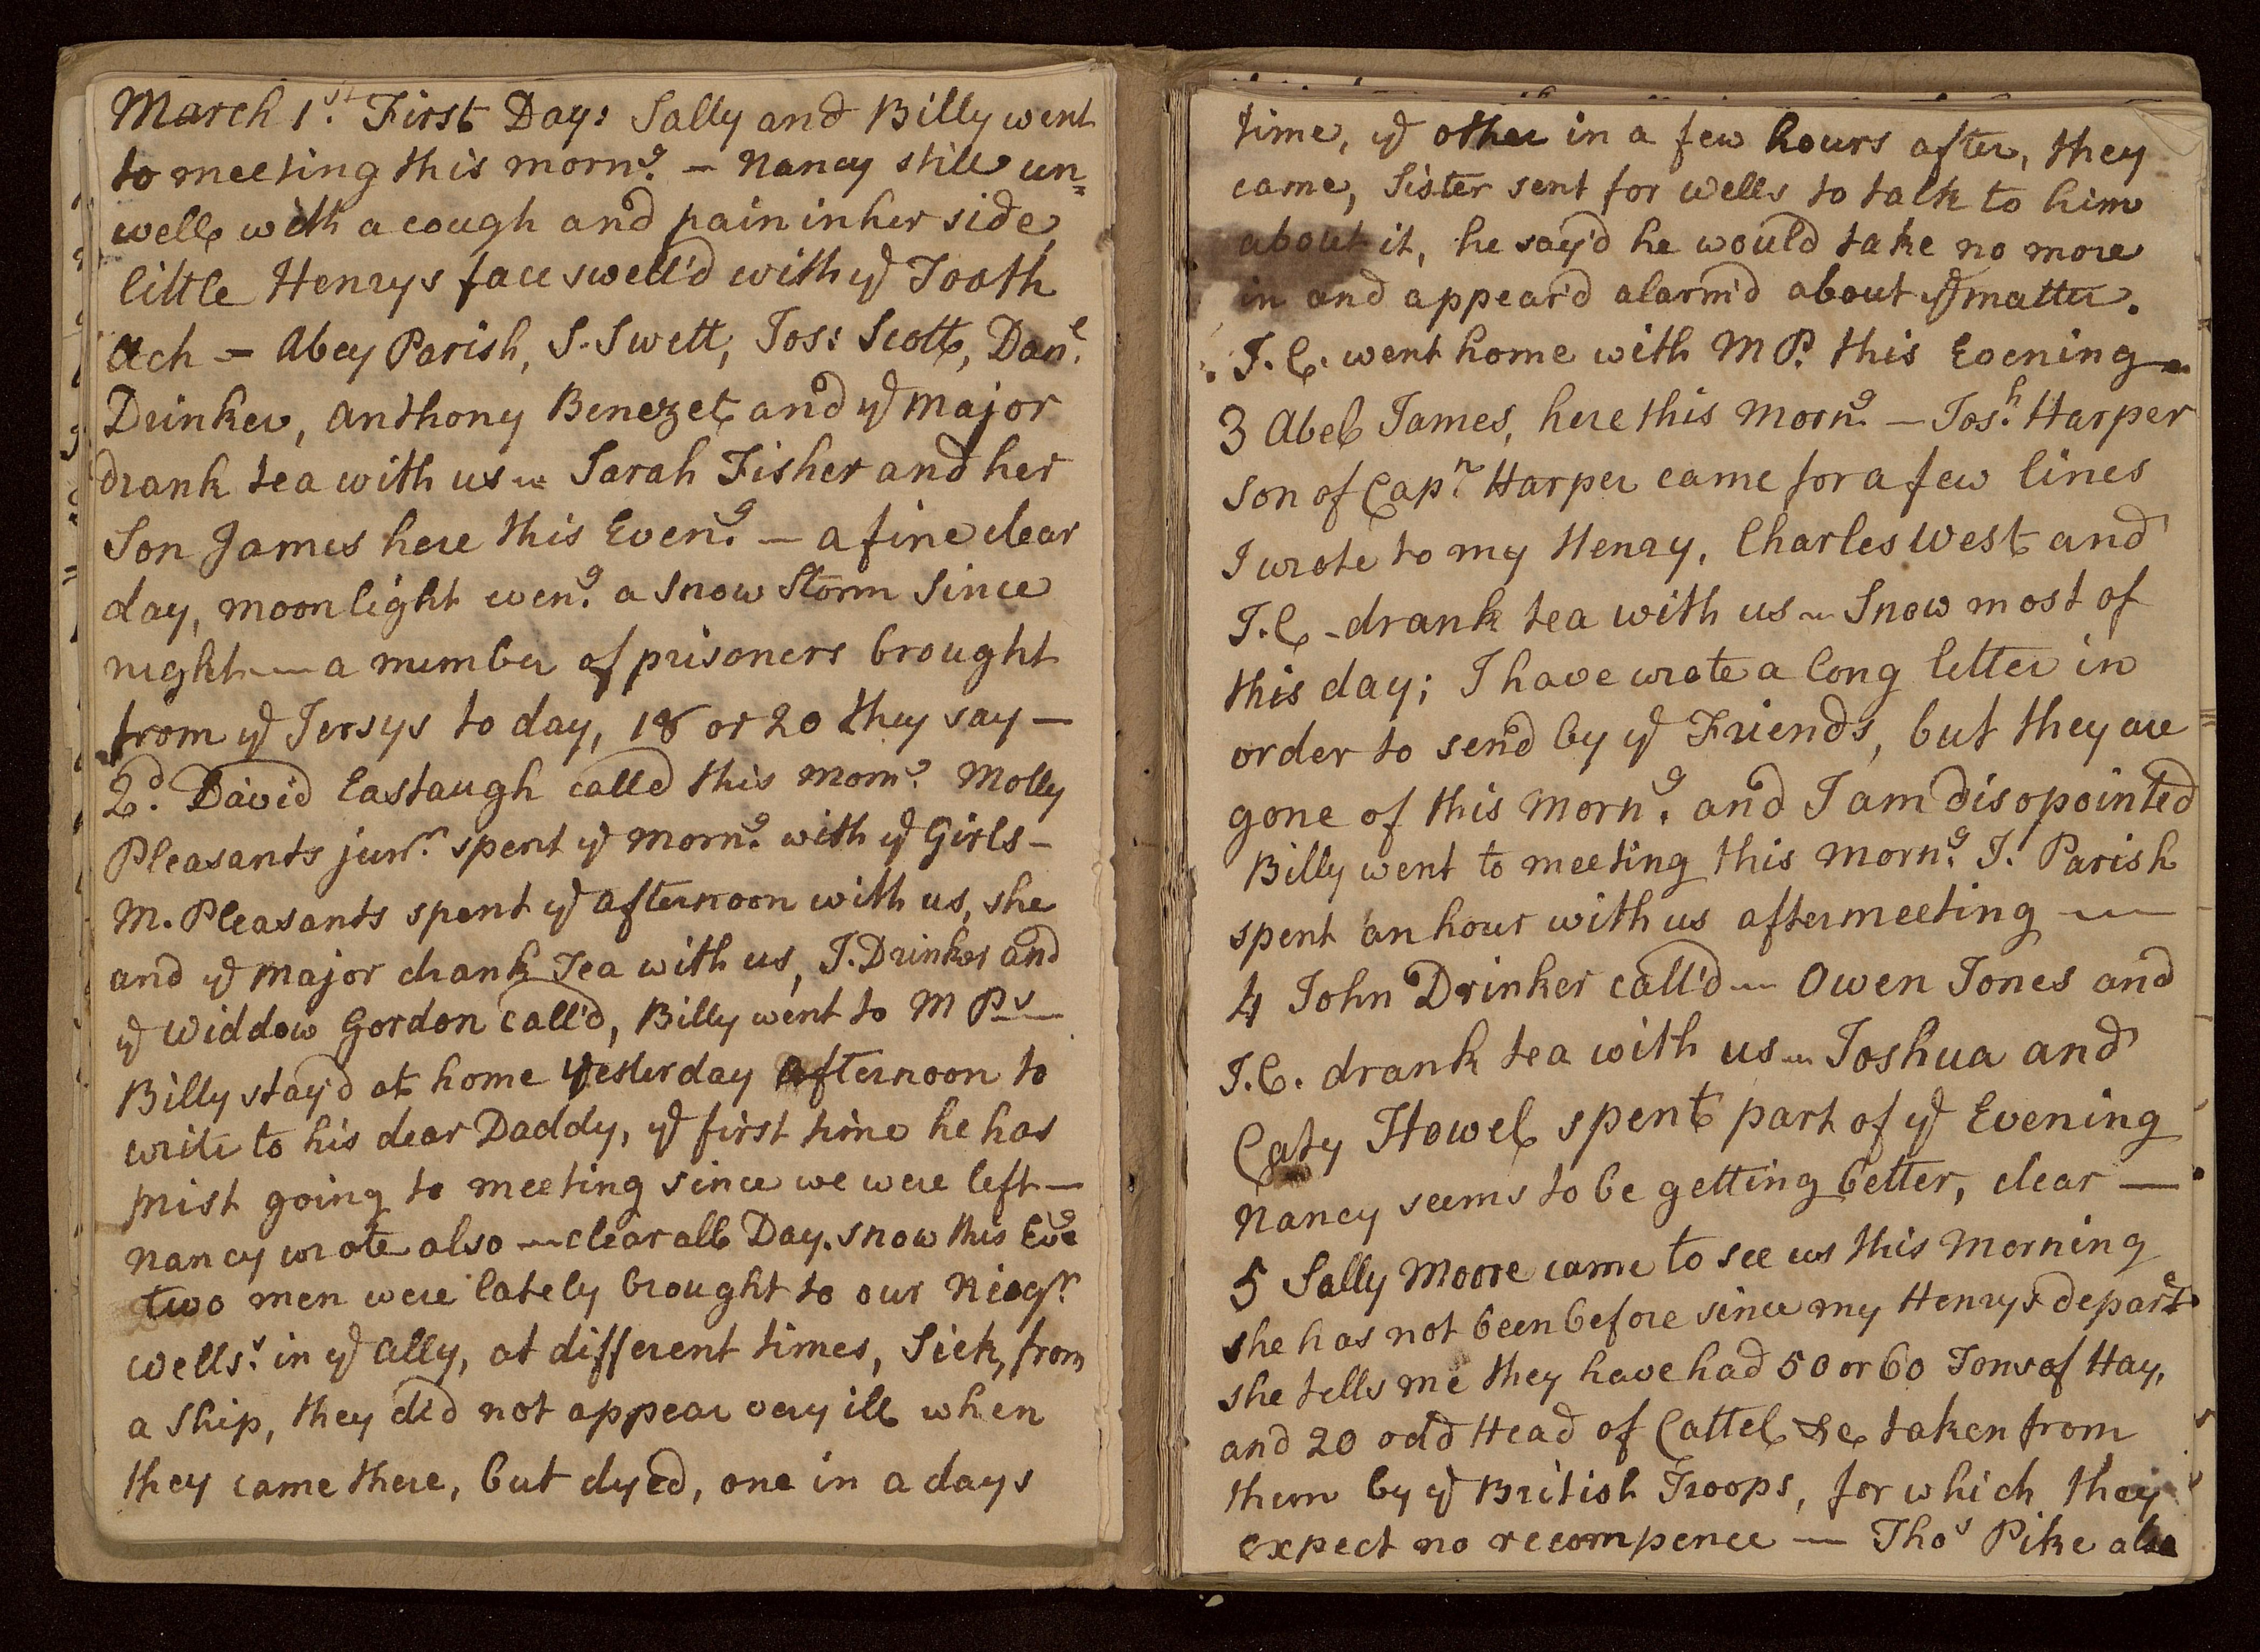March 1^st. First Day: Sally and Billy went
to meeting this morn^g.- Nancy still un-
well with a cough and pain in her side
little Henrys face swell'd with y^e Tooth
Ach- Abey Parish, S. Swett, Jos: Scott, Dan^l.
Drinker, Anthony Benezet, and y^e Major
drank tea with us- Sarah Fisher and her
Son James here this Even^g.- a fine clear
day, moonlight even^g. a Snow Storm Since
night- a number of prisoners brought
from y^e Jersys to day, 18 or 20 they say-
2^d. David Eastaugh calld this Morn^g. Molly
Pleasants jun^r. spent y^e morn^g. with y^e Girls-
M. Pleasants spent y^e afternoon with us, she
and y^e major drank Tea with us, J. Drinker and
y^e Widdow Gordon call'd, Billy went to M P^s-
Billy stay'd at home Yesterday afternoon to
write to his dear Daddy, y^e first time he has
mist going to meeting since we were left-
Nancy wrote also- clear all Day. snow this Eve^g
two men were lately brought to our Nieg^r.
Wells^s. in y^e Ally, at different times, Sick, from
a Ship, they did not appear very ill when
they came there, but dyed, one in a days
time, y^e other in a few hours after, they
came, Sister sent for wells to talk to him
about it, he say'd he would take no more
in and appear'd alarm'd about y^e matter.
J.C. went home with M P. this Evening.
3 Abel James, here this morn^g- Jos^h. Harper
Son of Cap^n. Harper came for a few lines
I wrote to my Henry, Charles West and
J.C- drank tea with us- Snow most of
this day; I have wrote a long letter in
order to send by y^e Friends, but they are
gone of this morn^g, and I am disopointed
Billy went to meeting this morn^g. J. Parish
spent an hour with us after meeting-
4 John Drinker call'd- Owen Jones and
J.C. drank tea with us- Joshua and
Caty Howel spent part of y^e Evening
Nancy seems to be getting better, clear-
5 Sally Moore came to see us this morning
she has not been before since my Henrys depart^e
she tells me they have had 50 or 60 Tons of Hay,
and 20 odd Head of Cattel &c taken from
them by y^e British Troops, for which they
expect no recompence- Tho^s Pike also